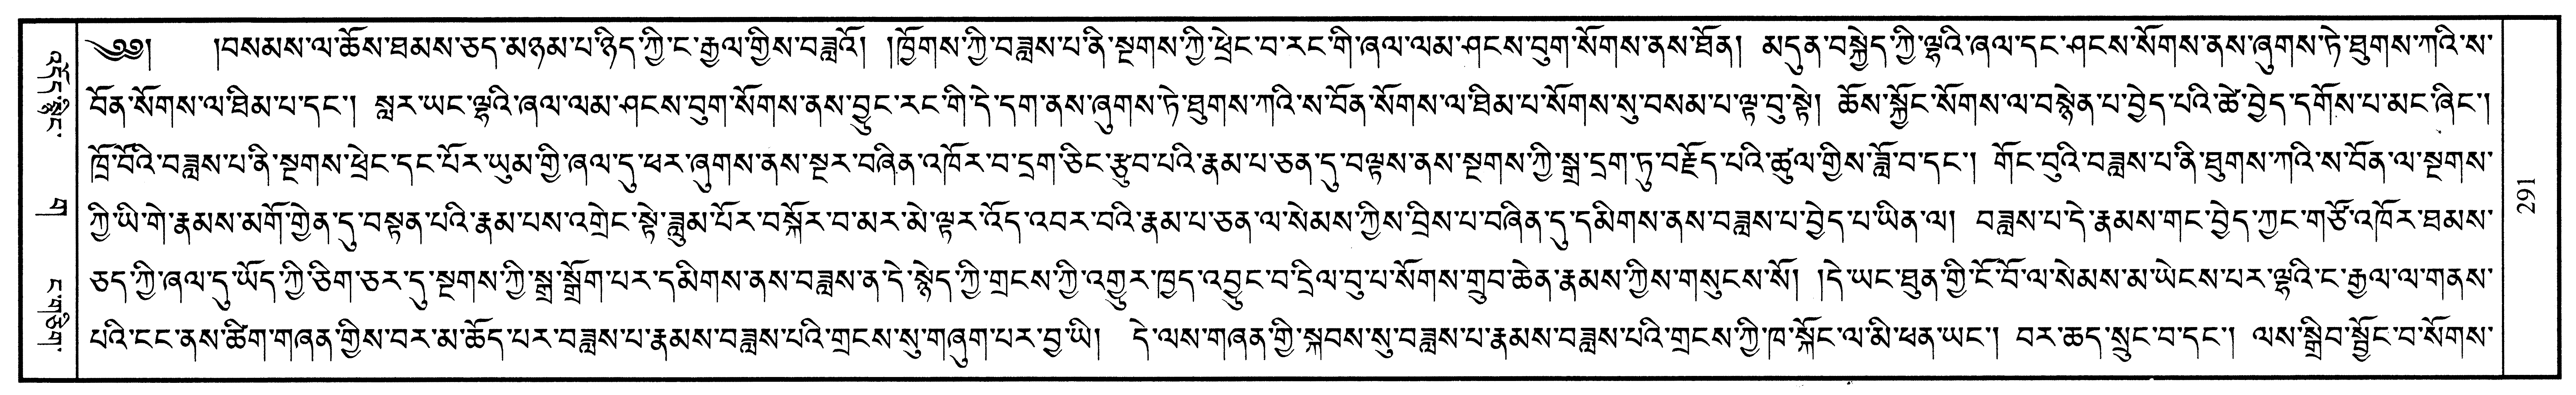༄༅། །བསམས་ལ་ཆོས་ཐམས་ཅད་མཉམ་པ་ཉིད་ཀྱི་ང་རྒྱལ་གྱིས་བཟླའོ། །ཁྱོགས་ཀྱི་བཟླས་པ་ནི་སྔགས་ཀྱི་ཕྲེང་བ་རང་གི་ཞལ་ལམ་ཤངས་བུག་སོགས་ནས་ཐོན། མདུན་བསྐྱེད་ཀྱི་ལྷའི་ཞལ་དང་ཤངས་སོགས་ནས་ཞུགས་ཏེ་ཐུགས་ཀའི་ས་
བོན་སོགས་ལ་ཐིམ་པ་དང་། སླར་ཡང་ལྷའི་ཞལ་ལམ་ཤངས་བུག་སོགས་ནས་བྱུང་རང་གི་དེ་དག་ནས་ཞུགས་ཏེ་ཐུགས་ཀའི་ས་བོན་སོགས་ལ་ཐིམ་པ་སོགས་སུ་བསམ་པ་ལྟ་བུ་སྟེ། ཆོས་སྐྱོང་སོགས་ལ་བསྙེན་པ་བྱེད་པའི་ཚེ་བྱེད་དགོས་པ་མང་ཞིང་།
ཁྲོ་བོའི་བཟླས་པ་ནི་སྔགས་ཕྲེང་དང་པོར་ཡུམ་གྱི་ཞལ་དུ་ཕར་ཞུགས་ནས་སྔར་བཞིན་འཁོར་བ་དྲག་ཅིང་རྩུབ་པའི་རྣམ་པ་ཅན་དུ་བལྟས་ནས་སྔགས་ཀྱི་སྒྲ་དྲག་ཏུ་བརྗོད་པའི་ཚུལ་གྱིས་ཟློ་བ་དང་། གོང་བུའི་བཟླས་པ་ནི་ཐུགས་ཀའི་ས་བོན་ལ་སྔགས་
ཀྱི་ཡི་གེ་རྣམས་མགོ་གྱེན་དུ་བསྟན་པའི་རྣམ་པས་འགྲེང་སྟེ་ཟླུམ་པོར་བསྐོར་བ་མར་མེ་ལྟར་འོད་འབར་བའི་རྣམ་པ་ཅན་ལ་སེམས་ཀྱིས་བྲིས་པ་བཞིན་དུ་དམིགས་ནས་བཟླས་པ་བྱེད་པ་ཡིན་ལ། བཟླས་པ་དེ་རྣམས་གང་བྱེད་ཀྱང་གཙོ་འཁོར་ཐམས་
ཅད་ཀྱི་ཞལ་དུ་ཡོད་ཀྱི་ཅིག་ཅར་དུ་སྔགས་ཀྱི་སྒྲ་སྒྲོག་པར་དམིགས་ནས་བཟླས་ན་དེ་སྙེད་ཀྱི་གྲངས་ཀྱི་འགྱུར་ཁྱད་འབྱུང་བ་དྲིལ་བུ་པ་སོགས་གྲུབ་ཆེན་རྣམས་ཀྱིས་གསུངས་སོ། །དེ་ཡང་ཐུན་གྱི་ངོ་བོ་ལ་སེམས་མ་ཡེངས་པར་ལྷའི་ང་རྒྱལ་ལ་གནས་
པའི་ངང་ནས་ཚིག་གཞན་གྱིས་བར་མ་ཆོད་པར་བཟླས་པ་རྣམས་བཟླས་པའི་གྲངས་སུ་གཞུག་པར་བྱ་ཡི། དེ་ལས་གཞན་གྱི་སྐབས་སུ་བཟླས་པ་རྣམས་བཟླས་པའི་གྲངས་ཀྱི་ཁ་སྐོང་ལ་མི་ཕན་ཡང་། བར་ཆད་སྲུང་བ་དང་། ལས་སྒྲིབ་སྦྱོང་བ་སོགས་